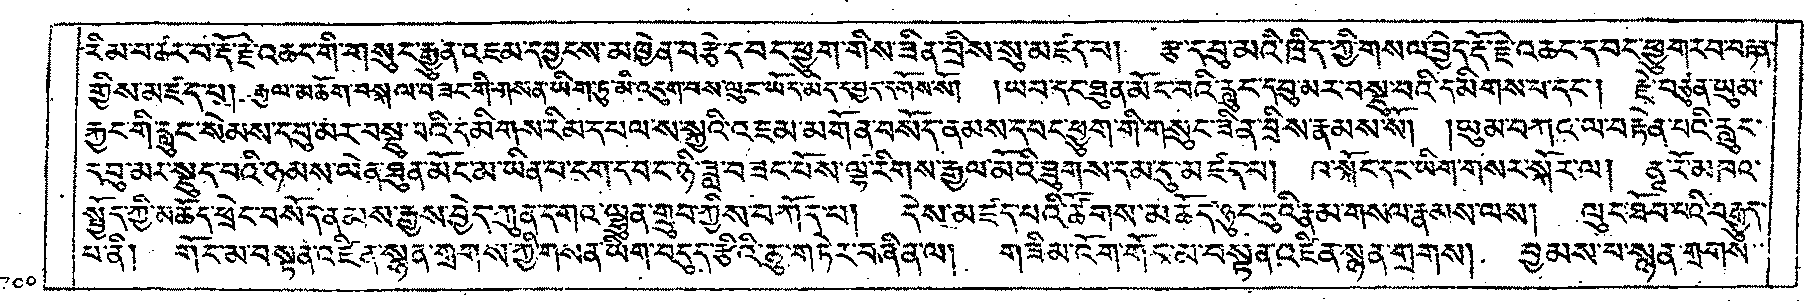རིམ་པ་ཚར་པ་རྡོ་རྗེ་འཆང་གི་གསུང་རྒྱུན་འཇམ་དབྱངས་མཁྱེན་བརྩེ་དབང་ཕྱུག་གིས་ཟིན་བྲིས་སུ་མཛད་པ། རྩ་དབུ་མའི་ཁྲིད་ཀྱི་གསལ་བྱེད་རྡོ་རྗེ་འཆང་དབང་ཕྱུག་རབ་བརྟན་
གྱིས་མཛད་པ། རྒྱལ་མཆོག་བསྐལ་བཟང་གི་གསན་ཡིག་ཏུ་མི་འདུག་པས་ལུང་ཡོད་མེད་དཔྱད་དགོས་སོ།  །ཡབ་དང་ཐུན་མོང་བའི་རླུང་དབུ་མར་བསྡུ་བའི་དམིགས་པ་དང་། རྗེ་བཙུན་ཡུམ་
རྐྱང་གི་རླུང་སེམས་དབུ་མར་བསྡུ་བའི་དམིགས་རིམ་དཔལ་ས་སྐྱའི་འཇམ་མགོན་བསོད་ནམས་དབང་ཕྱུག་གི་གསུང་ཟིན་བྲིས་རྣམས་སོ། །ཡུམ་བཀའ་ལ་བརྟེན་པའི་རླུང་
དབུ་མར་སྡུད་པའི་ཉམས་ལེན་ཐུན་མོང་མ་ཡིན་པ་ངག་དབང་ཉི་ཟླ་བཟང་པོས་ལྷ་རིགས་རྒྱལ་མོའི་ཐུགས་དམ་དུ་མཛད་པ། ཁ་སྐོང་དང་ཡིག་གསར་སྐོར་ལ། ནཱ་རོ་མཁ་
སྤྱོད་ཀྱི་མཆོད་ཕྲེང་བསོད་ནམས་རྒྱས་བྱེད་ཀུན་དགའ་ལྷུན་གྲུབ་ཀྱིས་བཀོད་པ། དེས་མཛད་པའི་ཚོགས་མཆོད་ཉུང་ངུའི་རྣམ་གསལ་རྣམས་ལས། ལུང་ཐོབ་པའི་བརྒྱུད་
པ་ནི། གོང་མ་བསྟན་འཛིན་སྙན་གྲགས་ཀྱི་གསན་ཡིག་བདུད་རྩིའི་ཆུ་གཏེར་བཞིན་ལ། གཟིམ་འོག་གོང་མ་བསྟན་འཛིན་སྙན་གྲགས། བྱམས་པ་སྙན་གྲགས་